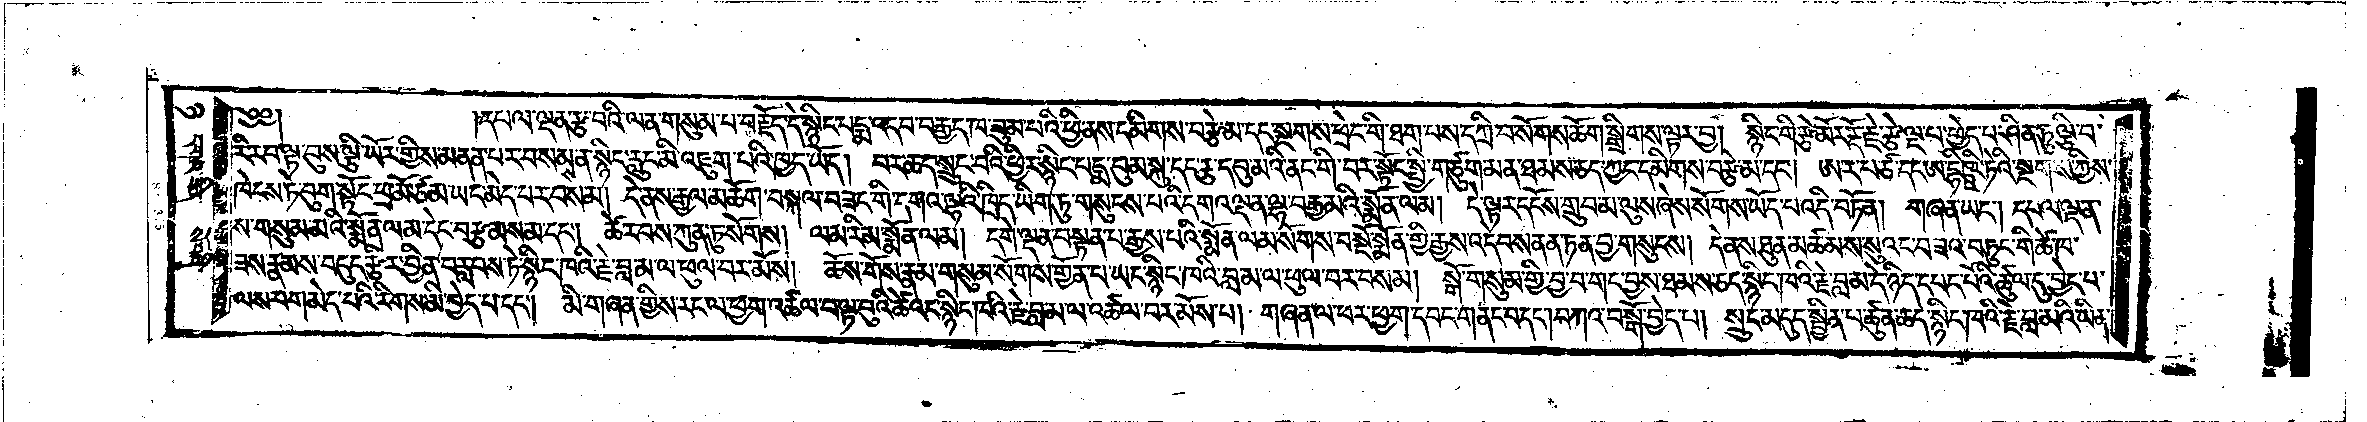༄༅། །དཔལ་ལྡན་རྩ་བའི་ལན་གསུམ་པ་བརྗོད་དེ་སྙིང་པདམ་འདབ་བ་རྒྱད་ཁ་ཟུམ་པའི་ཕྱི་ནས་དམིགས་བརྩེ་མ་དང་སྔགས་ཕྲེང་གི་ཐག་པས་དཀྲི་པ་སོགས་ཆོག་སྒྲིགས་ལྟར་བྱ། སྙིང་གི་རྩེ་མོར་རྡོ་རྗེ་རྩེ་ལྔ་པ་ཕྱེད་པ་ཤིན་ཏུ་ལྕི་བ་
རི་རབ་ལྟ་བུས་ལྕི་ཡོར་གྱིས་མནན་པར་བསམས་ན་སྙིང་རླུང་མི་འཇུག་པའི་ཁྱད་ཡོད། བར་ཆད་སྲུང་པའི་ཕྱིར་སྙིང་པདམ་བུམ་སྐུ་དང་རྩ་དབུ་མའི་ནང་གི་བར་སྟོང་སྤྱི་གཙུག་མན་ཐམས་ཅད་ཀྱང་དམིགས་བརྩེ་མ་དང་། ཨ་ར་པ་ཙ་དང་ཨདྷི་ཥཥརི་?་ཏེའི་སྔགས་ཀྱིས་
ཁེངས་ཏེ་བུག་སྟོང་ཕྲ་མོ་ཙམ་ཡང་མེད་པར་བསམ། དེ་ནས་རྒྱལ་མཆོག་བསྐལ་བཟང་གི་དགའ་ལྷའི་ཁྲིད་ཡིག་ཏུ་གསུངས་པའི་དགའ་ལྡན་ལྷ་བརྒྱ་མའི་སྨོན་ལམ། དེ་ལྟར་དངོས་གྲུབ་མ་ལུས་ཞེས་སོགས་ཡོད་པ་འདི་བཏོན། གཞན་ཡང་། དཔལ་ལྡན་
ས་གསུམ་མའི་སྨོན་ལམ་དེང་བརྩམས་མ་དང་། ཚེ་རབས་ཀུན་ཏུ་སོགས། ལམ་རིམ་སྨོན་ལམ། དགེ་ལྡན་བསྟན་པ་རྒྱས་པའི་སྨོན་ལམ་སོགས་བསྔོ་སྨོན་གྱི་རྒྱས་འདེབས་ནན་ཏན་བྱ་གསུངས། དེ་ནས་ཐུན་མཚམས་སུའང་བཟའ་བཏུང་གི་ཚེ་ཁ་
ཟས་རྣམས་བདུད་རྩིར་བྱིན་བརླབས་ཏེ་སྙིང་ཁའི་རྗེ་བླ་མ་ལ་ཕུལ་བར་མོས། ཆོས་གོས་རྣམ་གསུམ་སོགས་གྱོན་པ་ཡང་སྙིང་ཁའི་བླ་མ་ལ་ཕུལ་བར་བསམ། སྒོ་གསུམ་གྱི་བྱ་བ་གང་བྱས་ཐམས་ཅད་སྙིང་ཁའི་རྗེ་བླ་མ་དེ་ཉིད་དཔང་པོའི་ཚུལ་དུ་བྱེད་པ་
ལས་བག་མེད་པའི་རིགས་མི་བྱེད་པ་དང་། མི་གཞན་གྱིས་རང་ལ་ཕྱག་འཚལ་བ་ལྟ་བུའི་ཚེའང་སྙིང་ཁའི་རྗེ་བླ་མ་ལ་འཚལ་བར་མོས་པ། གཞན་ལ་ཕར་ཕྱག་དབང་གནང་བ་དང་། བཀའ་བསྒོ་བྱེད་པ། སྲུང་མདུད་སྦྱིན་པ་ཚུན་ཆད་སྙིང་ཁའི་རྗེ་བླ་མའི་ཡིན་